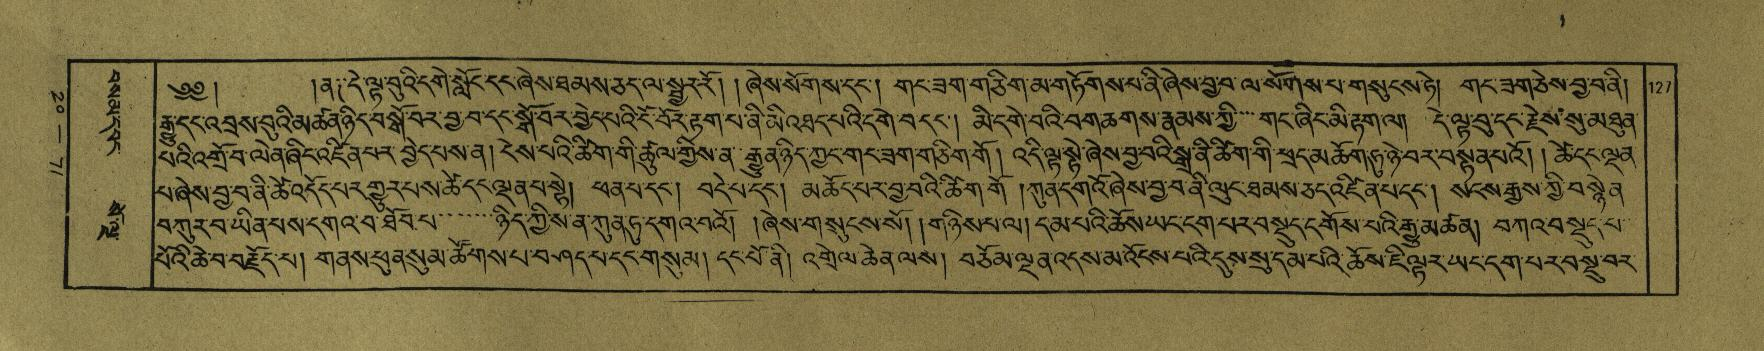༄༅། །ན༑ དེ་ལྟ་བུའི་དགེ་སློང་དང་ཞེས་ཐམས་ཅད་ལ་སྦྱར་རོ། །ཞེས་སོགས་དང་། གང་ཟག་གཅིག་མ་གཏོགས་པ་ནི་ཞེས་བྱ་བ་ལ་སོགས་པ་གསུངས་ཏེ། གང་ཟག་ཅེས་བྱ་བ་ནི།
རྒྱུ་དང་འབྲས་བུའི་མཚན་ཉིད་བསྒོ་བར་བྱ་བ་དང་སྒོ་བར་བྱེད་པའི་ངོ་བོར་རྟག་པ་ནི་མི་འཐད་པའི་དགེ་བ་དང་། མི་དགེ་བའི་བག་ཆགས་རྣམས་ཀྱི་གང་ཞིང་མི་རྟག་ལ། དེ་ལྟ་བུ་དང་རྗེས་སུ་མཐུན་
པའི་འགྲོ་བ་ལེན་ཞིང་འཛིན་པར་བྱེད་པས་ན། ངེས་པའི་ཚིག་གི་ཚུལ་གྱིས་ན་རྒྱུན་ཉིད་ཀྱང་གང་ཟག་གཅིག་གོ། འདི་ལྟ་སྟེ་ཞེས་བྱ་བའི་སྒྲ་ནི་ཚིག་གི་ཕྲད་མཆོག་ཏུ་ཉེ་བར་བསྟན་པའོ། །ཚེ་དང་ལྡན་
པ་ཞེས་བྱ་བ་ནི་ཚེ་འདོད་པར་གྱུར་པས་ཚེ་དང་ལྡན་པ་སྟེ། ཕན་པ་དང་། བདེ་པ་དང་། མཆོད་པར་བྱ་བའི་ཚིག་གོ །ཀུན་དགའོ་ཞེས་བྱ་བ་ནི་ལུང་ཐམས་ཅད་འཛིན་པ་དང་། སངས་རྒྱས་ཀྱི་བསྙེན་
བཀུར་བ་ཡིན་པས་དགའ་བ་ཐོབ་པ་ཉིད་ཀྱི་ས་ན་ཀུན་ཏུ་དགའ་བའོ། །ཞེས་གསུངས་སོ། །གཉིས་པ་ལ། དམ་པའི་ཆོས་ཡང་དག་པར་བསྡུད་དགོས་པའི་རྒྱུ་མཚན། བཀའ་བསྡུད་པ་
པོའི་ཆེ་བ་བརྗོད་པ། གནས་ཕུན་སུམ་ཚོགས་པ་བཤད་པ་དང་གསུམ། དང་པོ་ནི། འགྲེལ་ཆེན་ལས། བཅོམ་ལྡན་འདས་མ་འོངས་པའི་དུས་སུ་དམ་པའི་ཆོས་ཇི་ལྟར་ཡང་དག་པར་བསྡུ་བར་